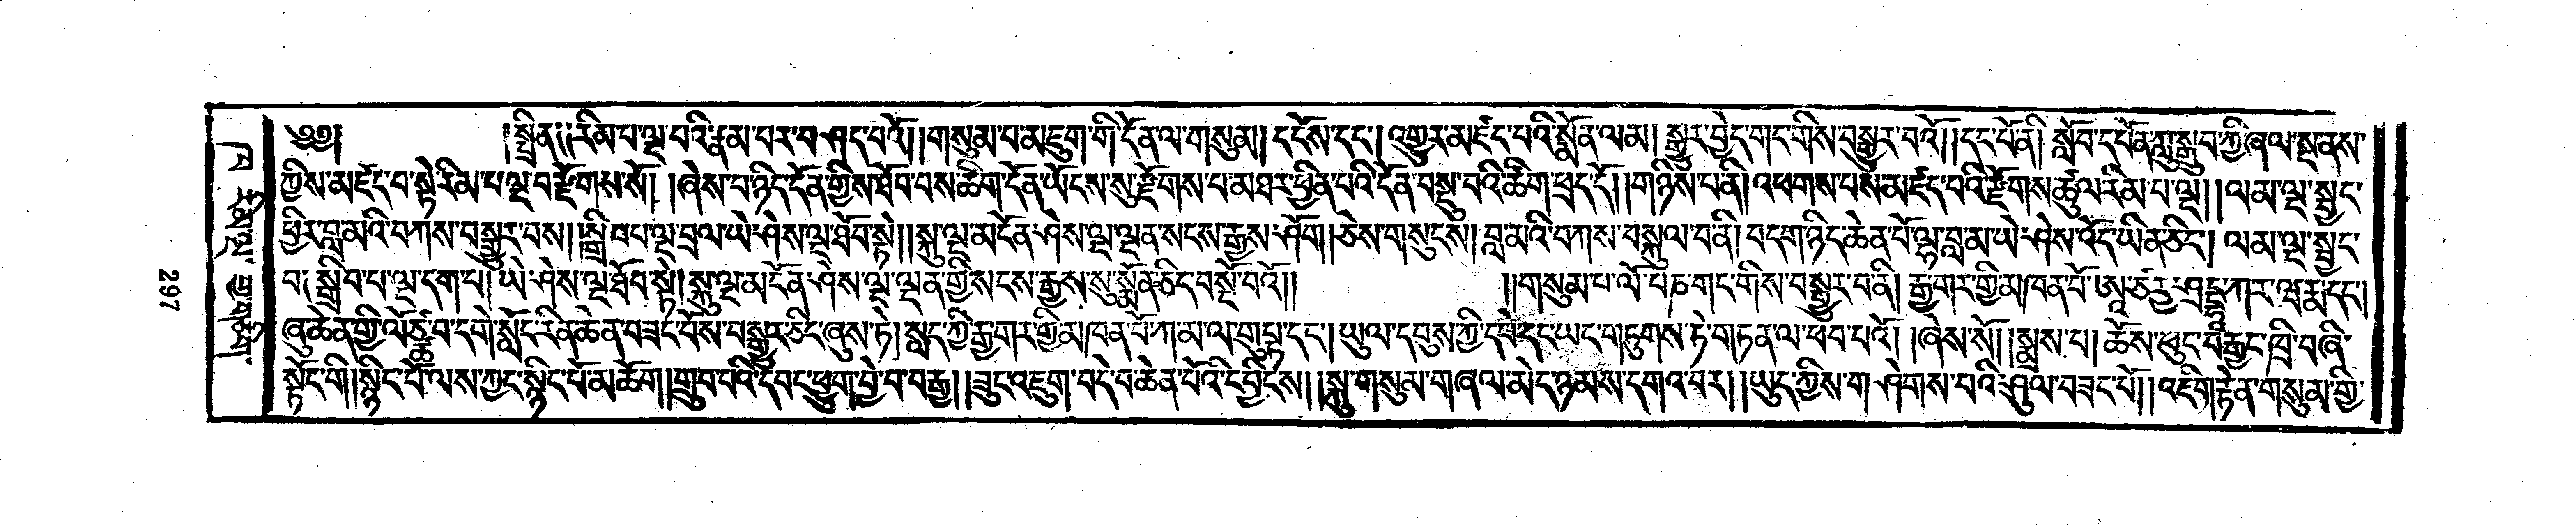༄༅། །སྤྲིན། །རིམ་པ་ལྔ་པའི་རྣམ་པར་བཤད་པའོ། །གསུམ་པ་མཇུག་གི་དོན་ལ་གསུམ། དངོས་དང་། འགྱུར་མཛད་པའི་སྨོན་ལམ། སྒྱུར་བྱེད་གང་གིས་བསྒྱུར་བའོ། །དང་པོ་ནི། སློབ་དཔོན་ཀླུ་སྒྲུབ་ཀྱི་ཞལ་སྔ་ནས་
ཀྱིས་མཛད་པ་སྟེ་རིམ་པ་ལྔ་པ་རྫོགས་སོ། །ཞེས་པ་ཉིད་དོན་གྱིས་ཐོབ་པས་ཚིག་དོན་ཡོངས་སུ་རྫོགས་པ་མཐར་ཕྱིན་པའི་དོན་བསྡུ་བའི་ཚིག་ཕྲད་དོ། །གཉིས་པ་ནི། འཕགས་པས་མཛད་པའི་རྫོགས་ཚུལ་རིམ་པ་ལྔ། །ལམ་ལྔ་སྤྱང་
ཕྱིར་བླ་མའི་བཀས་བསྒྱུར་བས། །སྒྲིབ་པ་ལྔ་བྲལ་ཡེ་ཤེས་ལྔ་ཐོབ་སྟེ། །སྐུ་ལྔ་མངོན་ཤེས་ལྔ་ལྡན་སངས་རྒྱས་ཤོག །ཅེས་གསུངས། བླ་མའི་བཀས་བསྐུལ་བ་ནི། བདག་ཉིད་ཆེན་པོ་ལྷ་བླ་མ་ཡེ་ཤེས་འོད་ཡིན་ཅིང་། ལམ་ལྔ་སྦྱང་
པ། སྒྲིབ་པ་ལྔ་དག་པ། ཡེ་ཤེས་ལྔ་ཐོབ་སྟེ། སྐུ་ལྔ་མངོན་ཤེས་ལྔ་ལྔན་གྱི་སངས་རྒྱས་སུ་སྨོན་ཅིང་བསྔོ་བའོ།། །།གསུམ་པ་ལོ་པཎ་གང་གིས་བསྒྱུར་བ་ནི། རྒྱ་གར་གྱི་མཁན་པོ་ཨཱ་ཙརྱ་ཤྲདྡྷའ་ཀ་ར་ཝ་རྨ་དང་།
ཞུ་ཆེན་གྱི་ལོཙྪ་བ་དགེ་སློང་རིན་ཆེན་བཟང་པོས་བསྒྱུར་ཅིང་ཞུས་ཏེ། སླད་ཀྱི་རྒྱ་གར་གྱི་མཁན་པོ་ཀ་མ་ལ་གུཔྟ་དང་། ཡུལ་དབུས་ཀྱི་དབེ་དང་ཡང་གཏུགས་ཏེ་གཏན་ལ་ཕབ་པའོ། །ཞེས་སོ། སྨྲས་པ། ཆོས་ཕུང་པོ་བརྒྱད་ཁྲི་བཞི་
སྟོང་གི །སྙིང་པོ་ལས་ཀྱང་སྙིང་པོ་མཆོག །གྲུབ་པའི་དབང་ཕྱུག་བྱེ་བ་བརྒྱ། །ཟུང་འཇུག་བདེ་བ་ཆེན་པོའི་དབྱིངས། །སྐུ་གསུམ་གཞལ་མེད་ཉམས་དགའ་བར། །ཡུད་ཀྱིས་གཤེགས་པའི་ཤུལ་བཟང་པོ། །འཇིག་རྟེན་གསུམ་གྱི་